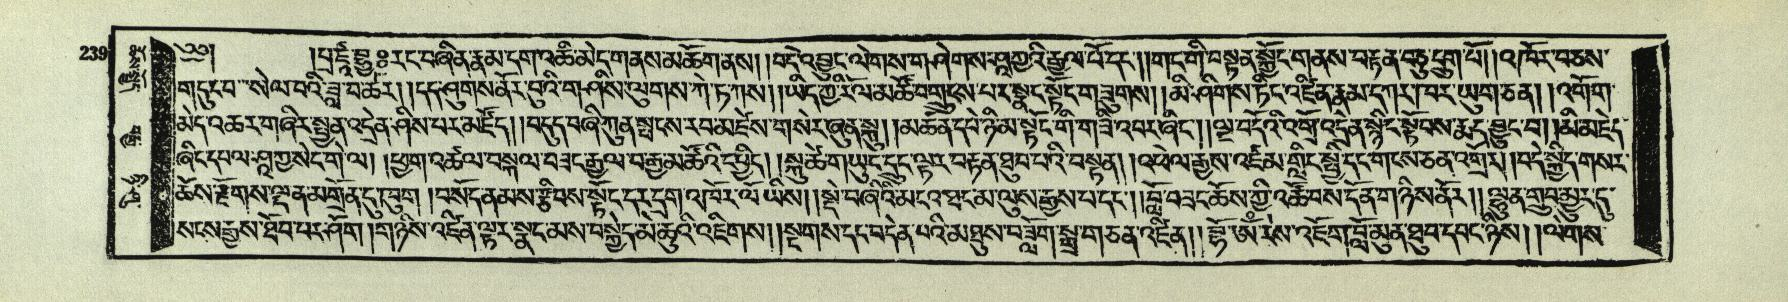༄༅། །པྲཛཱ་བྷྱཿ རང་བཞིན་རྣམ་དག་འཆི་མེད་གནས་མཆོག་ནས། །བདེ་འབྱུང་ལེགས་གཤེགས་ཤཱཀྱའི་རྒྱལ་པོ་དང་། གང་གི་བསྟན་སྐྱོང་གནས་བརྟན་བཅུ་དྲུག་པོ། །འཁོར་བཅས་
གདུང་བ་སེལ་བའི་ཟླ་བ་ཚེར། །དད་ཤུགས་ནོར་བུའི་གཤིས་ལུགས་ཀེ་ཏ་ཀས། །ཡིད་ཀྱི་རོལ་མཚོ་བགྲུངས་པར་སྣང་སྟོང་གཟུགས། །མི་ཤིགས་ཏིང་འཛིན་རྣམ་དཀར་ཁར་ཡུག་ཅན། །འགོག་
མེད་འཆར་གཞིར་སྤྱན་འདྲེན་ཤིས་པར་མཛོད། །བདུད་བཞི་ཀུན་སྤངས་རབ་མཛེས་གསེར་ཞུང་སྐུ། །མཚོན་དཔེ་ཉི་མ་སྟོང་གི་གཟི་འབར་ཞིང་། །ལྔ་བདོའི་འགྲོ་འདྲེན་སྙིང་སྟོབས་རྨད་བྱུང་བ། །མི་མཇེད་
ཞིང་དཔལ་ཤཱཀྱ་སེང་གེ་ལ། །ཕྱག་འཚལ་བསྐལ་བཟང་རྒྱལ་བ་རྒྱ་མཚོའི་དཔྱིད། །སྐུ་ཚེ་གཡུང་དྲུང་ལྟར་བརྟན་ཐུབ་པའི་བསྟན། །འཕེལ་རྒྱས་འཛམ་གླིང་སྤྱི་དང་གངས་ཅན་འགྲོར། །བདེ་སྐྱིད་གསར་
ཆོས་རྫོགས་ལྡན་མགྲོན་དུ་ཁུག །བསོད་ནམས་རྩིབས་སྟོང་དར་དྲག་འཁོར་ལོ་ཡིས། །སྡེ་བཞིའི་མངའ་ཐང་མ་ལུས་རྒྱས་པ་དང་། །བློ་བཟང་ཆོས་ཀྱི་འཚོ་བས་དོན་གཉིས་ནོར། །ལྷུན་གྲུབ་མྱུར་དུ་
སངས་རྒྱས་ཐོབ་པར་ཤོག །གཉིས་འཛིན་ལྟར་སྣང་མས་བསྐྱེད་མེ་ཆུའི་འཇིགས། །སྔགས་དང་བདེན་པའི་མཐུས་བཟློག་སྒྲ་གཅན་འཛིན། །བྷོ་ཨོཾརེས་འཇོག་བློ་མུན་ཐུབ་དབང་ཉིས། །ལེགས་